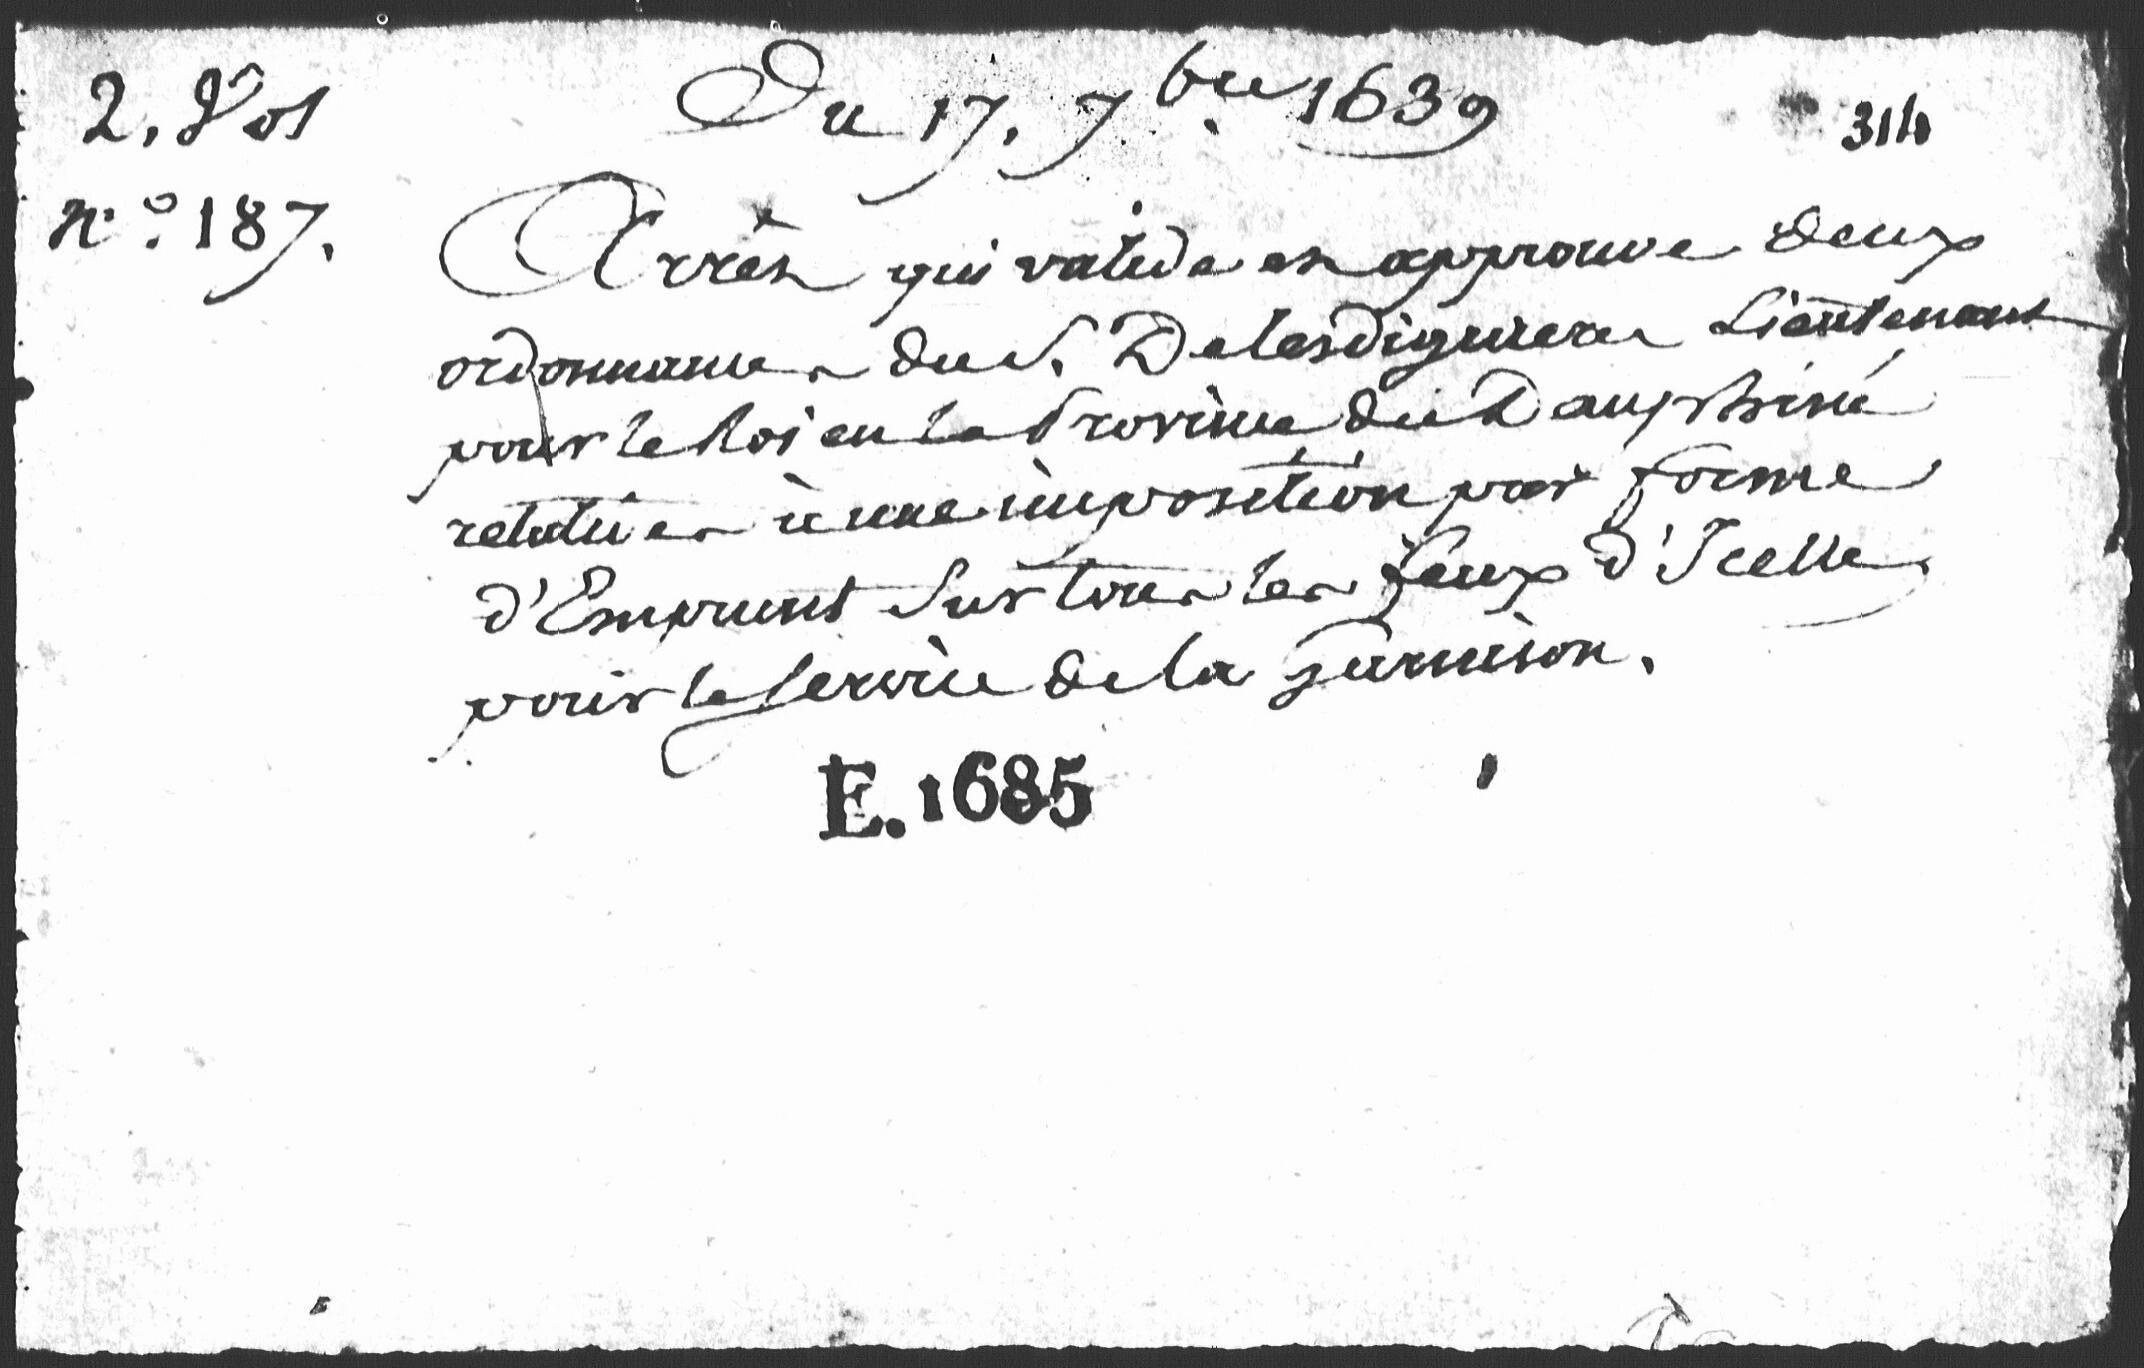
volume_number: n°187
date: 17 septembre 1639
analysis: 314
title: Arrêt qui valide et approuve deux ordonnances du S. Delesdiguieres lieutenant pour le Roi en la province du Dauphiné relatives à une imposition par forme d'emprunt sur tous les feux d'icelle, pour le service de la garnison.
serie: E
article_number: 1685
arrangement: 2. vol
